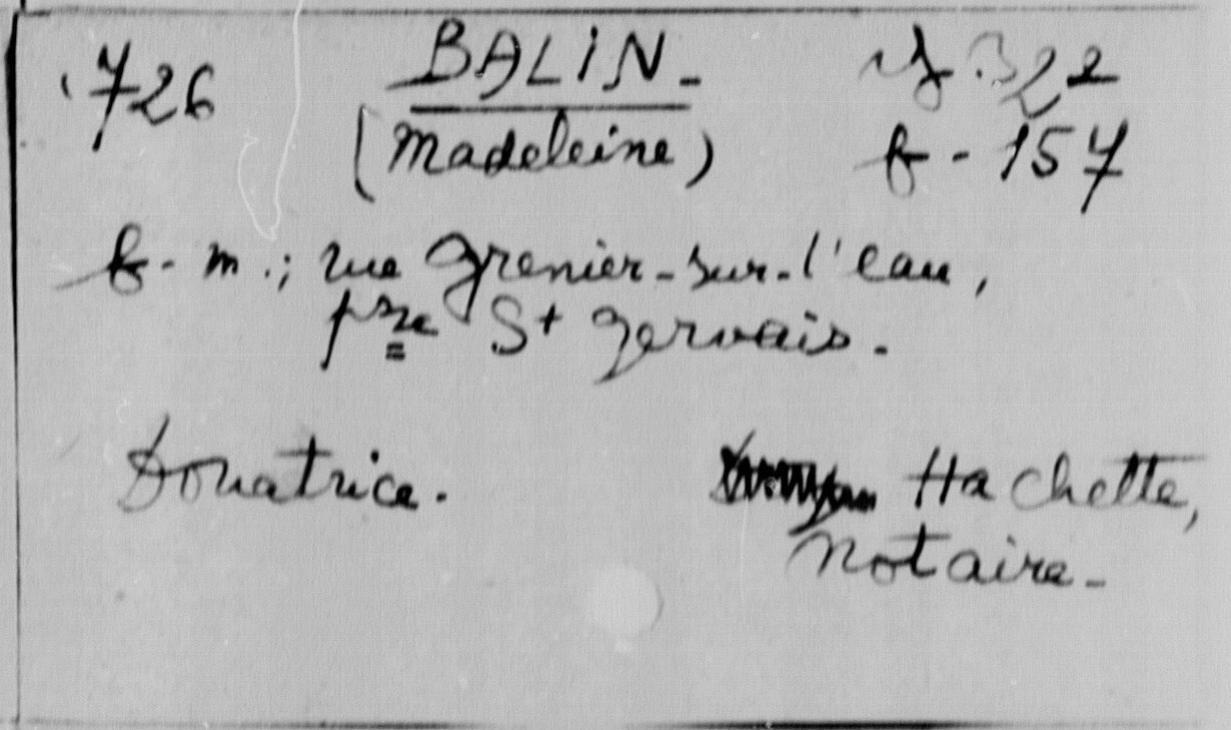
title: BALIN (Madeleine)
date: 1726
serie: Y
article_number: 322
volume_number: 157
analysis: Fille majeure, rue Grenier-sur-l'eau, paroisse Saint-Gervais. Donatrice. Hachette, notaire.
